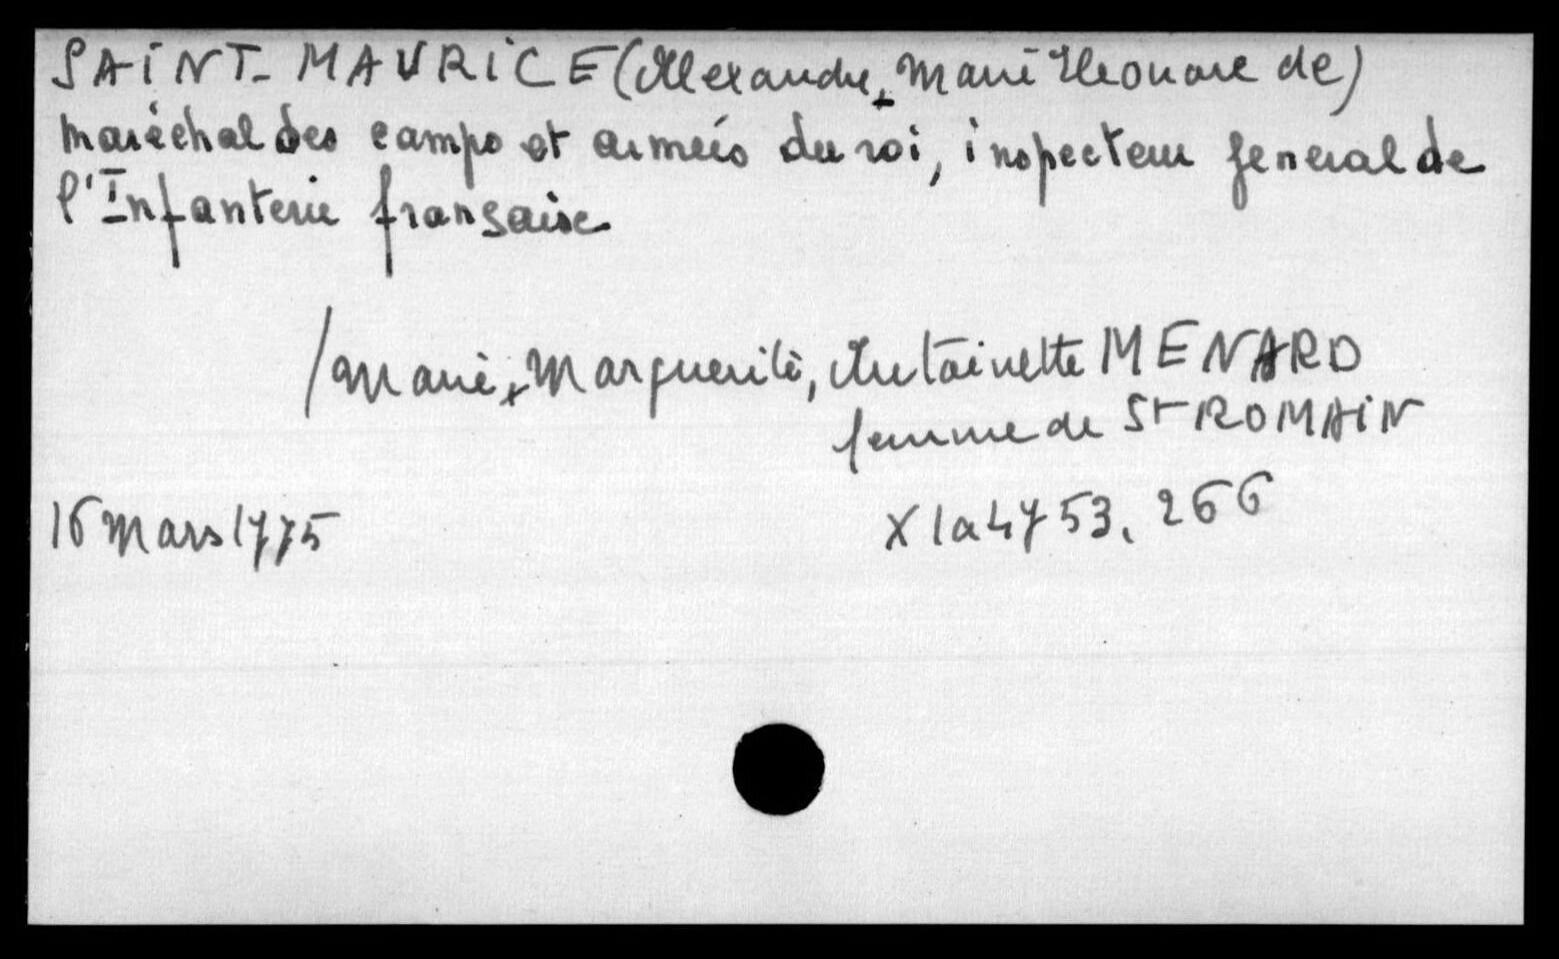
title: SAINT-MAURICE (Alexandre, marie Éleonore de) maréchal des camps et armées du roi, inspecteur général de l'Infanterie française
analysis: Contre Marie Marguerite, Antoinette MENARD femme de SAINT-ROMAIN
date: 16 mars 1775
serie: X1a
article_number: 4753
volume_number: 266
